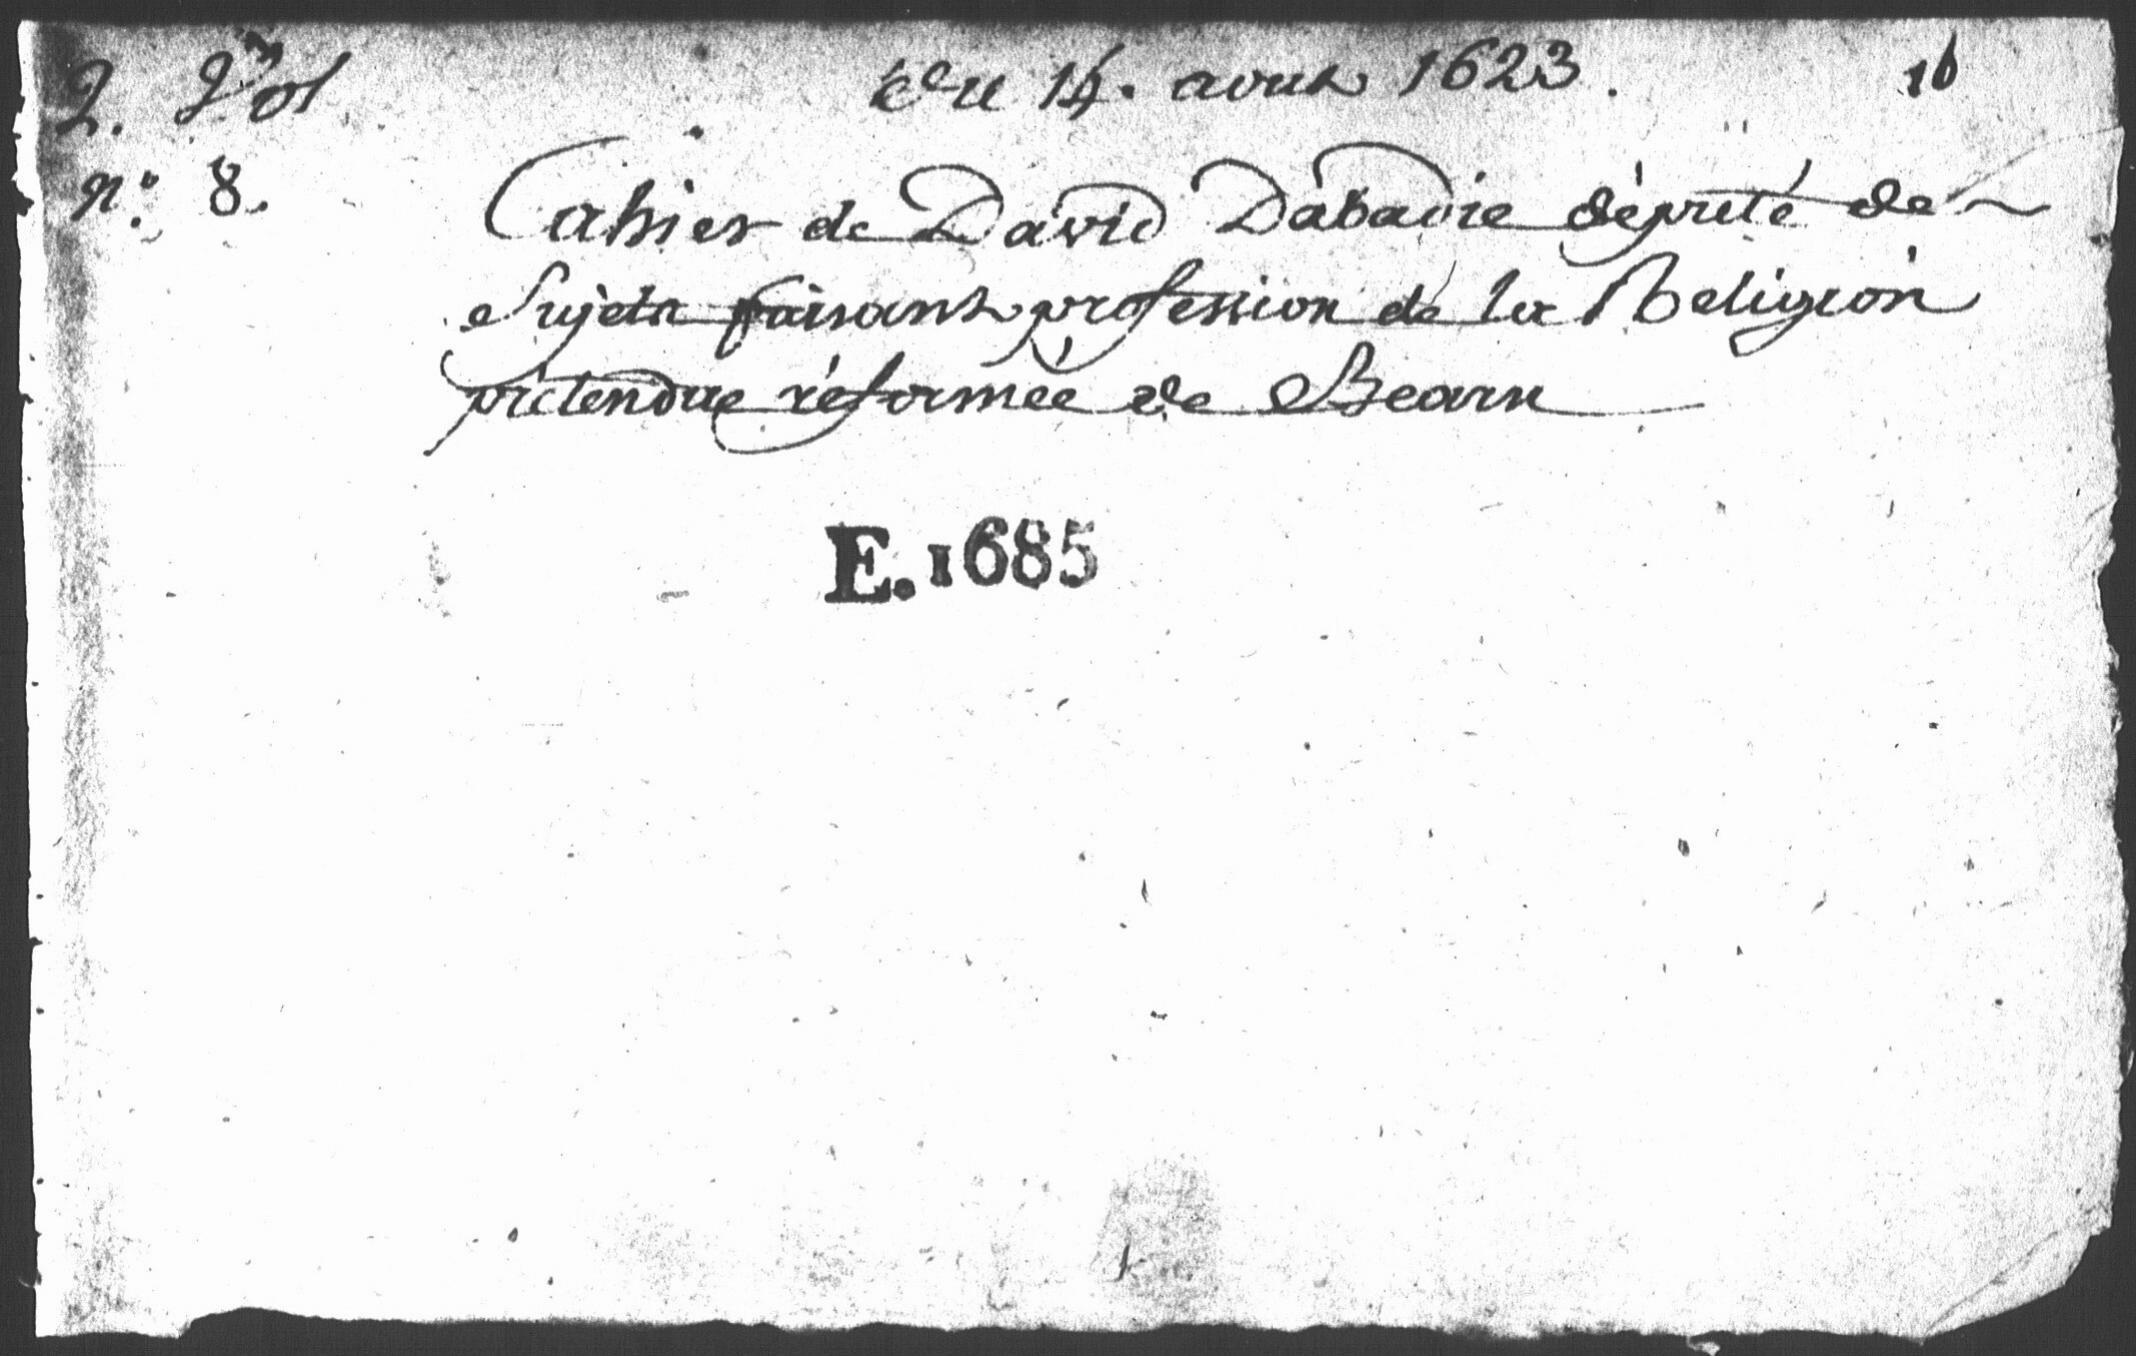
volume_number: n°8
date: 14 août 1623
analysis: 10
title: Cahier de David Dabadie député de sujets faisant profession de la Religion prétendue réformée de Béarn
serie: E
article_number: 1685
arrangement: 2 vol
